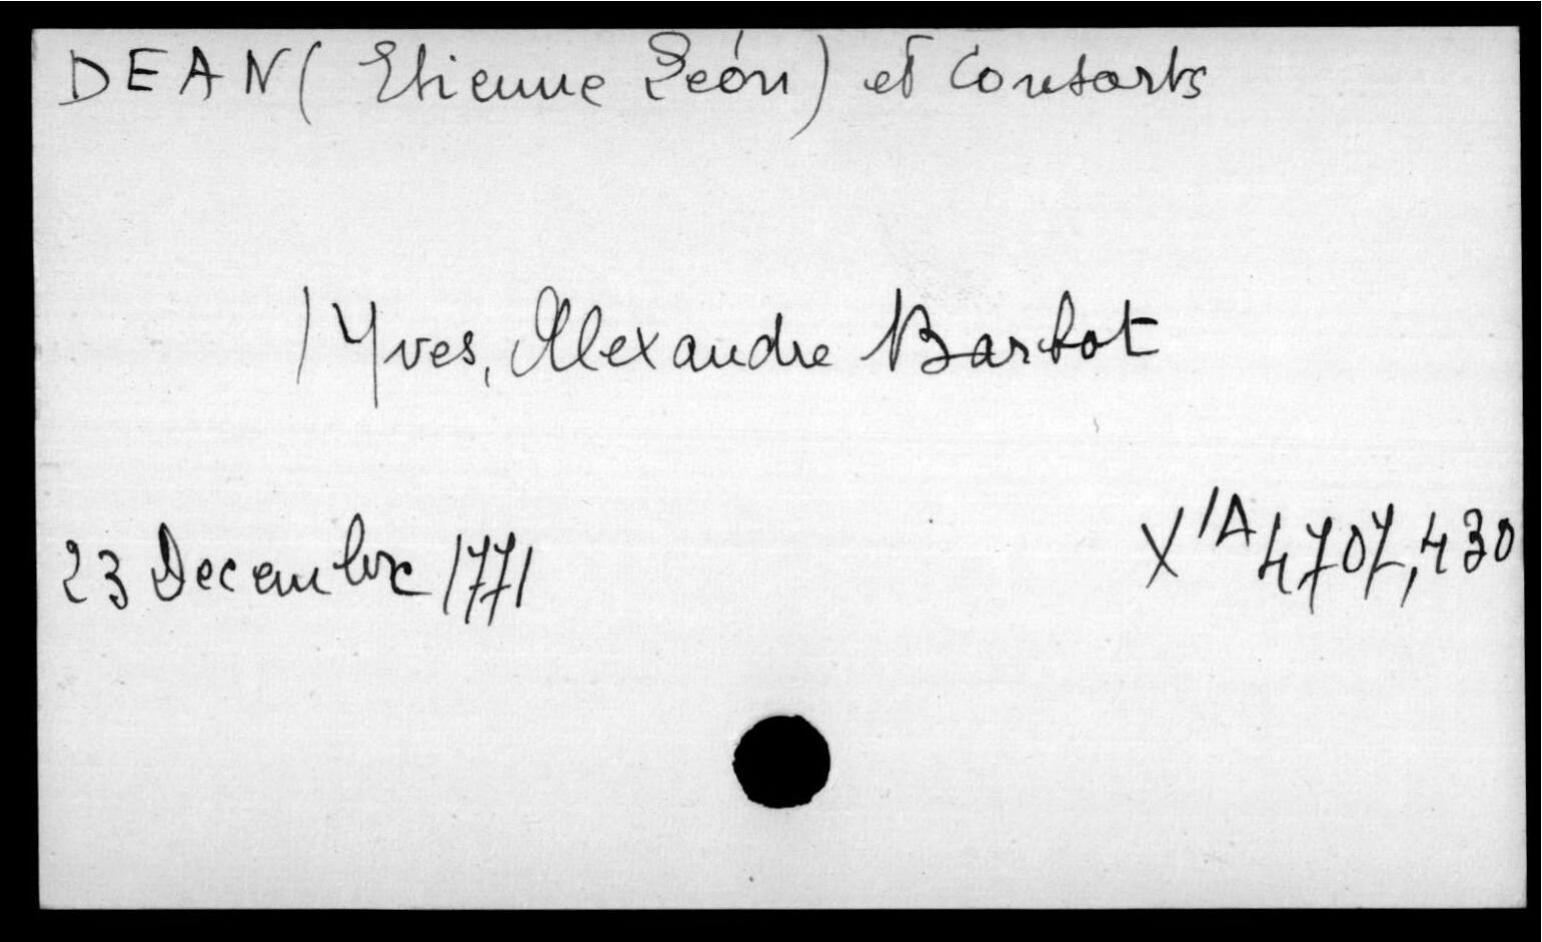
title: DEAN (Etienne Léon) et consorts
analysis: Contre Yves, Alexandre Barlot
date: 23 décembre 1771
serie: X1A
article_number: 4707
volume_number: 430
